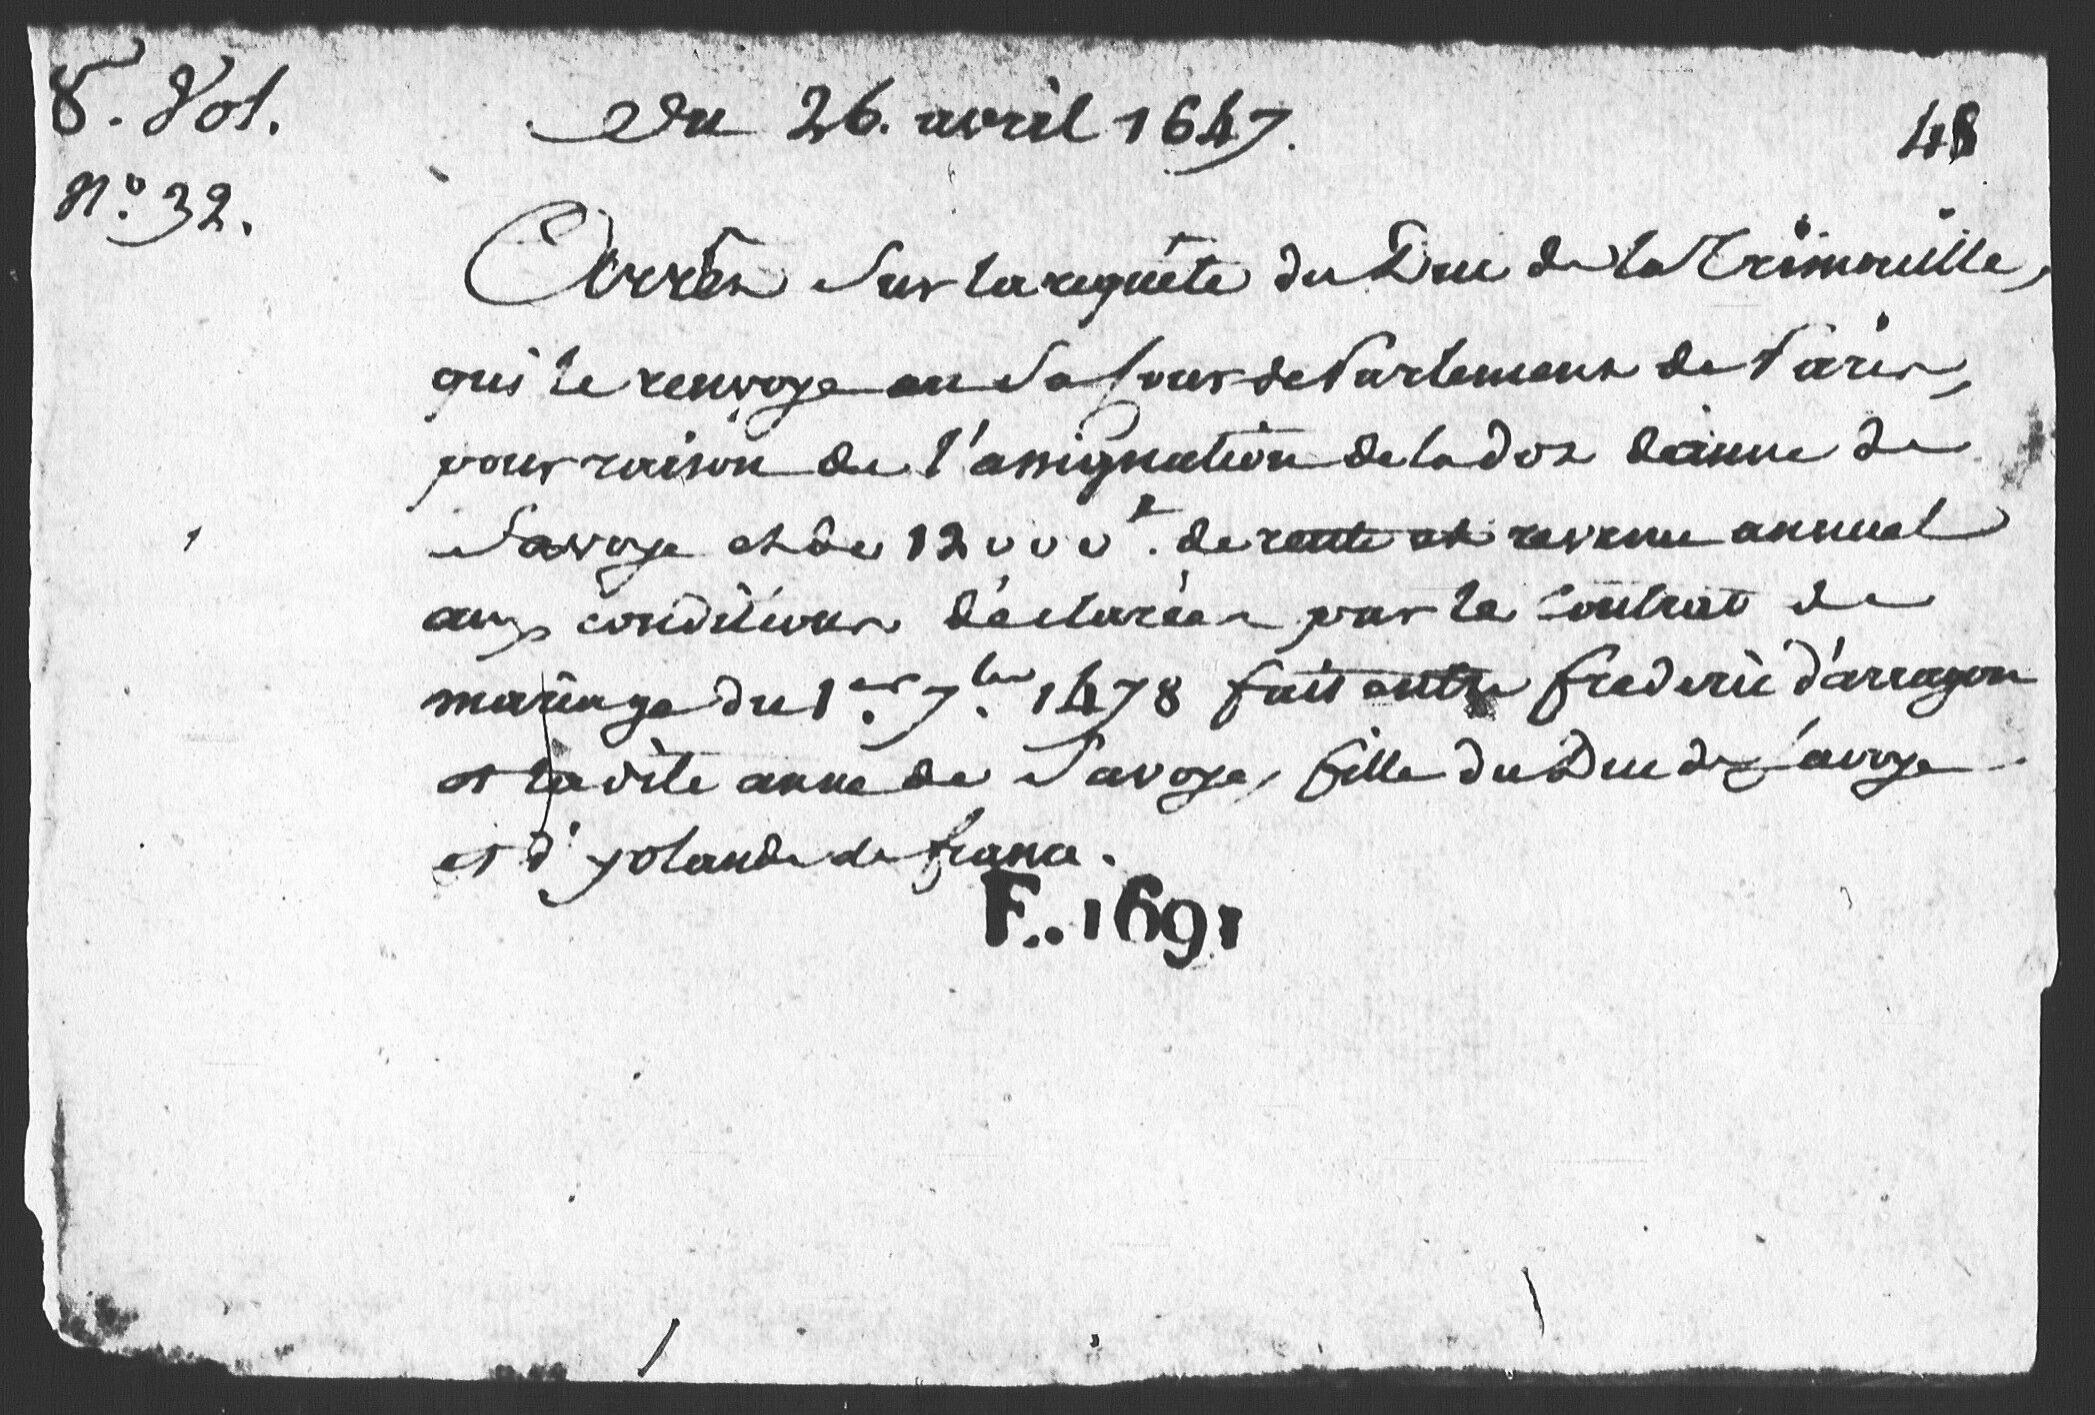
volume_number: n° 32
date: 26 avril 1647
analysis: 48
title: Arrêt sur la requête du Duc de la Trimouille, qui le renvoye en sa Cour de Parlement de Paris pour raison de l'assignation de la dot d'Anne de Savoye et de 12000 lt de rente et revenu annuel aux conditions déclarées par le contrat de mariage du 1e septembre 1478 fait entre Frédéric d'Arragon et la dite Anne de Savoye, fille du Duc de Savoye et d'Yolande de France.
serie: E
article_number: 1691
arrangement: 8eme volume
